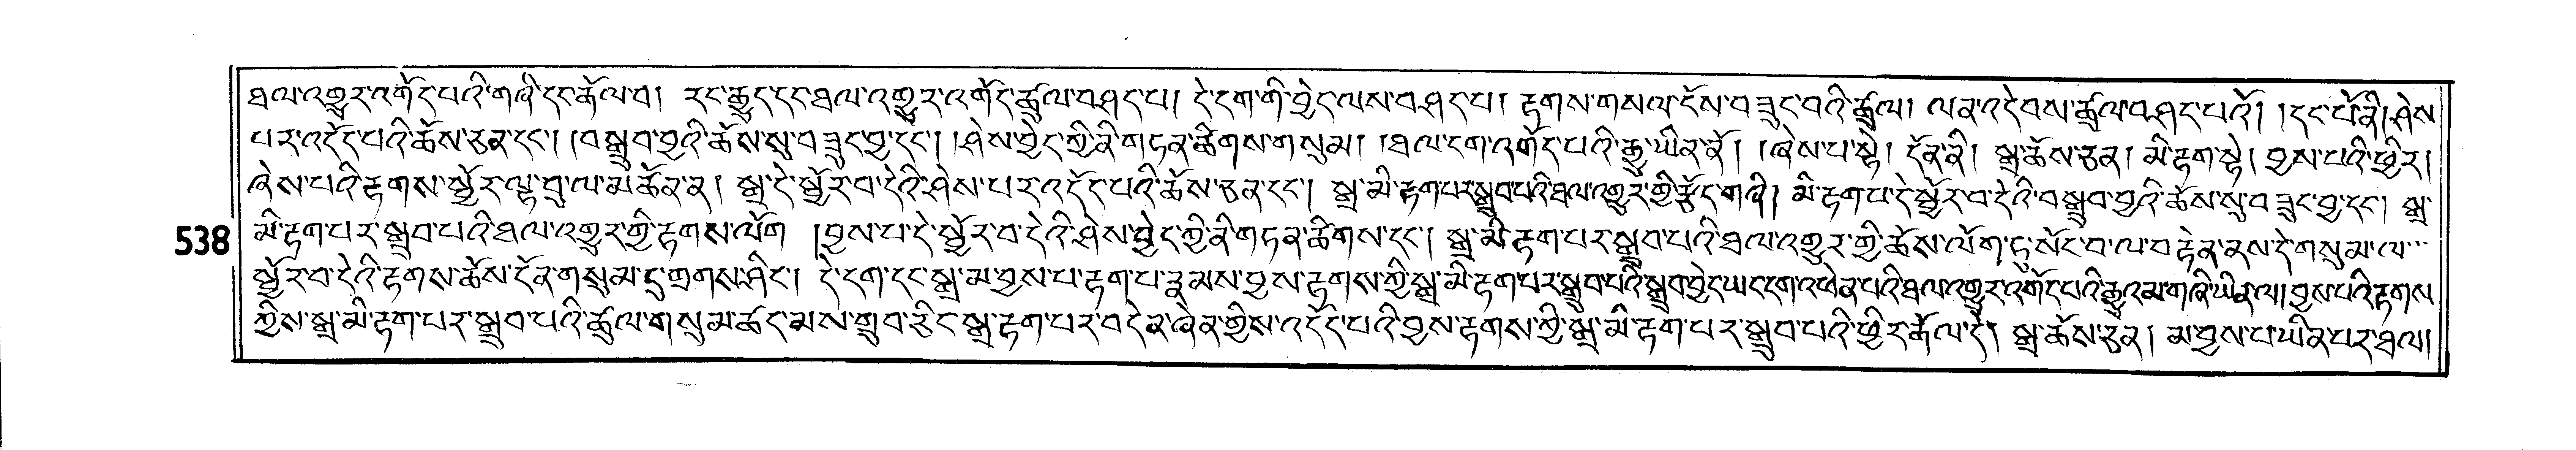ཐལ་འགྱུར་འགོད་པའི་གཞི་དང་རྒོལ་བ། རང་རྒྱུད་དང་ཐལ་འགྱུར་འགོད་ཚུལ་བཤད་པ། དེ་དག་གི་བྱེད་ལས་བཤད་པ། རྟགས་གསལ་ངོས་བཟུང་བའི་ཚུལ། ལན་འདེབས་ཚུལ་བཤད་པའོ། །དང་པོ་ནི། ཤེས་
པར་འདོད་པའི་ཆོས་ཅན་དང་། །བསྒྲུབ་བྱའི་ཆོས་སུ་བཟུང་བྱ་དང་། །ཤེས་བྱེད་ཀྱི་ནི་གཏན་ཚིགས་གསུམ། །ཐལ་དག་འགོད་པའི་རྒྱུ་ཡིན་ནོ། །ཞེས་པ་སྟེ། དོན་ནི། སྒྲ་ཆོས་ཅན། མི་རྟག་སྟེ། བྱས་པའི་ཕྱིར།
ཞེས་པའི་རྟགས་སྦྱོར་ལྟ་བུ་ལ་མཚོན་ན། སྒྲ་དེ་སྦྱོར་བ་དེའི་ཤེས་པར་འདོད་པའི་ཆོས་ཅན་དང་།སྒྲ་མི་རྟག་པར་སྒྲུབ་པའི་ཐལ་འགྱུར་གྱི་རྩོད་གཞི། མི་རྟག་པ་དེ་སྦྱོར་བ་དེའི་བསྒྲུབ་བྱའི་ཆོས་སུ་བཟུང་བྱ་དང་། སྒྲ་
མི་རྟག་པར་སྒྲུབ་པའི་ཐལ་འགྱུར་གྱི་རྟགས་ལོག །བྱས་པ་དེ་སྦྱོར་བ་དེའི་ཤེས་བྱེད་ཀྱི་ནི་གཏན་ཚིགས་དང་། སྒྲ་མི་རྟག་པར་སྒྲུབ་པའི་ཐལ་འགྱུར་གྱི་ཆོས་ལོག་ཏུ་སོང་བ་ལ་བརྟེན་ནས་དེ་གསུམ་ལ་
སྦྱོར་བ་དེའི་རྟགས་ཆོས་དོན་གསུམ་དུ་གྲགས་ཤིང་། དེ་དག་དང་སྒྲ་མ་བྱས་པ་རྟག་པ་རྣམས་བྱས་རྟགས་ཀྱི་སྒྲ་མི་རྟག་པར་སྒྲུབ་པའི་སྒྲུབ་བྱེད་ཡང་དག་འཕེན་པའི་ཐལ་འགྱུར་འགོད་པའི་རྒྱུའམ་གཞི་ཡིན་ལ། བྱས་པའི་རྟགས་
ཀྱིས་སྒྲ་མི་རྟག་པར་སྒྲུབ་པའི་ཚུལ་གསུམ་ཚད་མས་གྲུབ་ཅིང་སྒྲ་རྟག་པར་བདེན་ཞེན་གྱིས་འདོད་པའི་བྱས་རྟགས་ཀྱི་སྒྲ་མི་རྟག་པར་སྒྲུབ་པའི་ཕྱིར་རྒོལ་དེ། སྒྲ་ཆོས་ཅན། མ་བྱས་པ་ཡིན་པར་ཐལ།